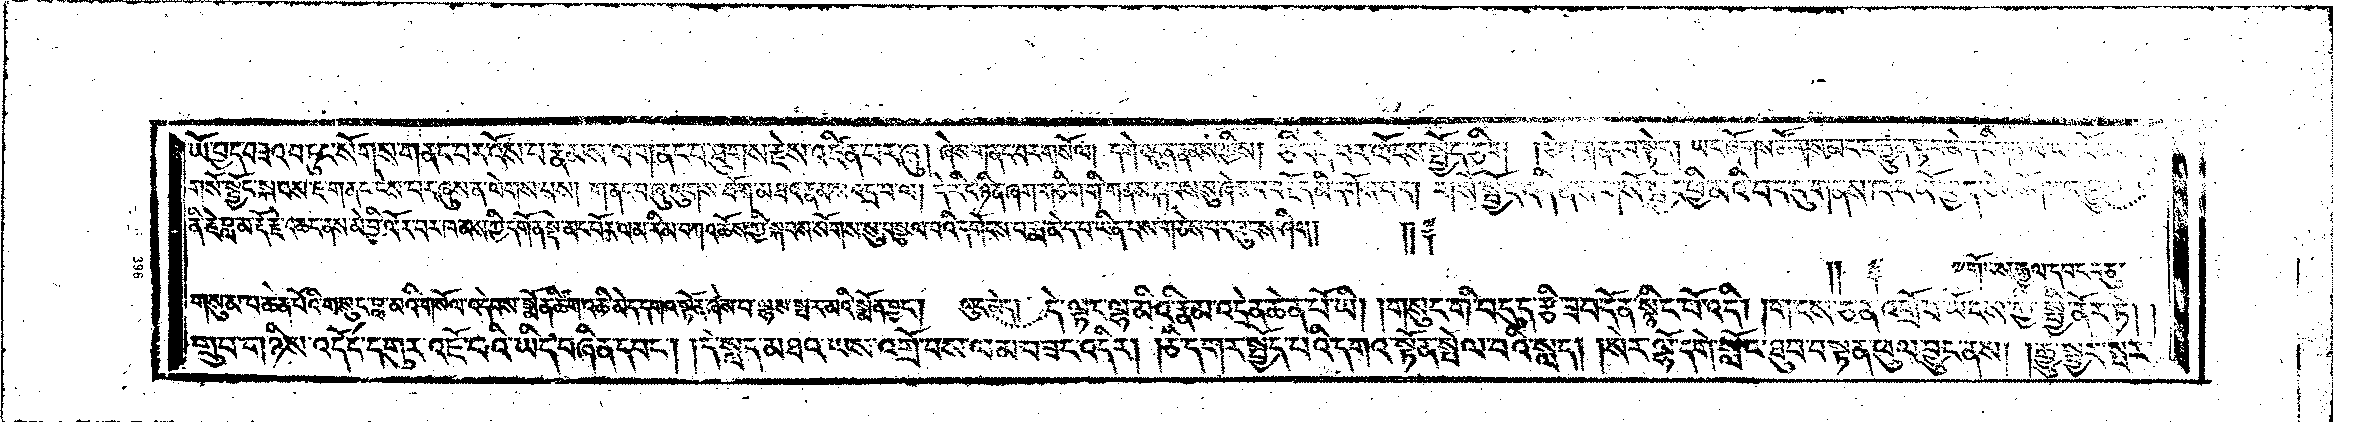ཡོ་བྱད་བཟའ་བཏུང་སོགས་གནང་བར་འོས་པ་རྣམས་ལ་གནང་བ་ཐུགས་རྗེས་འཛིན་པར་ཞུ། ཞེས་གནང་པར་གསོལ། དགེ་འདུན་རྣམས་ཀྱིས།  ཅི་བདེ་བར་ལོངས་སྤྱོད་ཅིག །ཅེས་གནང་བསྟེད། ཡང་ཞོགས་ཚོགས་མ་རྔ་རྒྱུན་སྟར་མེད་རིགས་ལ་ཡང་ངོམ་དངོས་
གསོ་སྦྱོང་སྐབས་ཇ་གནང་ངེས་པར་ཞུས་ན་ལེགས་པས། གནང་བཞུ་ལུགས་ཐོག་མཐའ་རྣམས་འདྲ་བ་ལ། དེ་རིང་ཉིན་ཞག་གཅིག་གི་གནས་སྐབས་སུ་ཞེས་པ་བརྗོད་མི་དགོས་པར། གསོ་སྦྱོང་འདི་ནས་གསོ་སྦྱོང་ཕྱི་མའི་བར་དུ་གནས་ཁང་ཡོ་ཕྱད་ཅེས་སོགས་ཁ་སྒྱུར་ཆོས་
ནི་རྗེ་བླ་མ་རྡོ་རྗེ་འཆང་ནས་མེ་བྱི་ལོར་བར་ཁམས་ཀྱི་དགོན་སྡེ་མང་པོར་ལམ་རིམ་བཀའ་ཆོས་ཀྱི་སྐབས་སོགས་སུ་བསྩལ་བའི་དགོངས་བརྨ་མེད་པ་ཡིན་པས་གཅེས་པར་ཟུངས་ཤིག། །།༈ །། ༈
གོངས་ས་རྒྱལ་དབང་བཅུ་
གསུམ་པ་ཆེན་པོའི་གསུང་བླ་མའི་གསོལ་འདེབས་སྨོན་ཚིག་འཆི་མེད་དགའ་སྟོན་ཞེས་པ་ལྷས་སྤར་མའི་སྨོན་བྱང་། ལུང་མེད། དེ་ལྟར་ལྷ་མིའི་རྣམ་འདྲེན་ཆེན་པོ་ཡི། །གསུང་གི་བདུད་རྩི་ཟབ་དོན་སྙིང་པོ་འདི། །གངས་ཅན་འགྲོ་པ་ཡོངས་ཀྱི་སྤྱི་ནོར་ཏེ། །
གྲུབ་གཉིས་འདོད་དགུར་འཇོ་བའི་ཡིད་བཞིན་དབང་། །དེ་སླད་མཐའ་ཡས་འགྲོ་བས་ལམ་བཟང་འདིར། །ཅི་དགར་སྦྱོད་པའི་དགའ་སྟོན་སྤོལ་བའི་སླད། །སེར་ལྷོ་དགེ་སློང་ཐུབ་བསྟན་ཕུལ་བྱུང་ནས། །རྒྱུ་སྦྱར་སྤར་